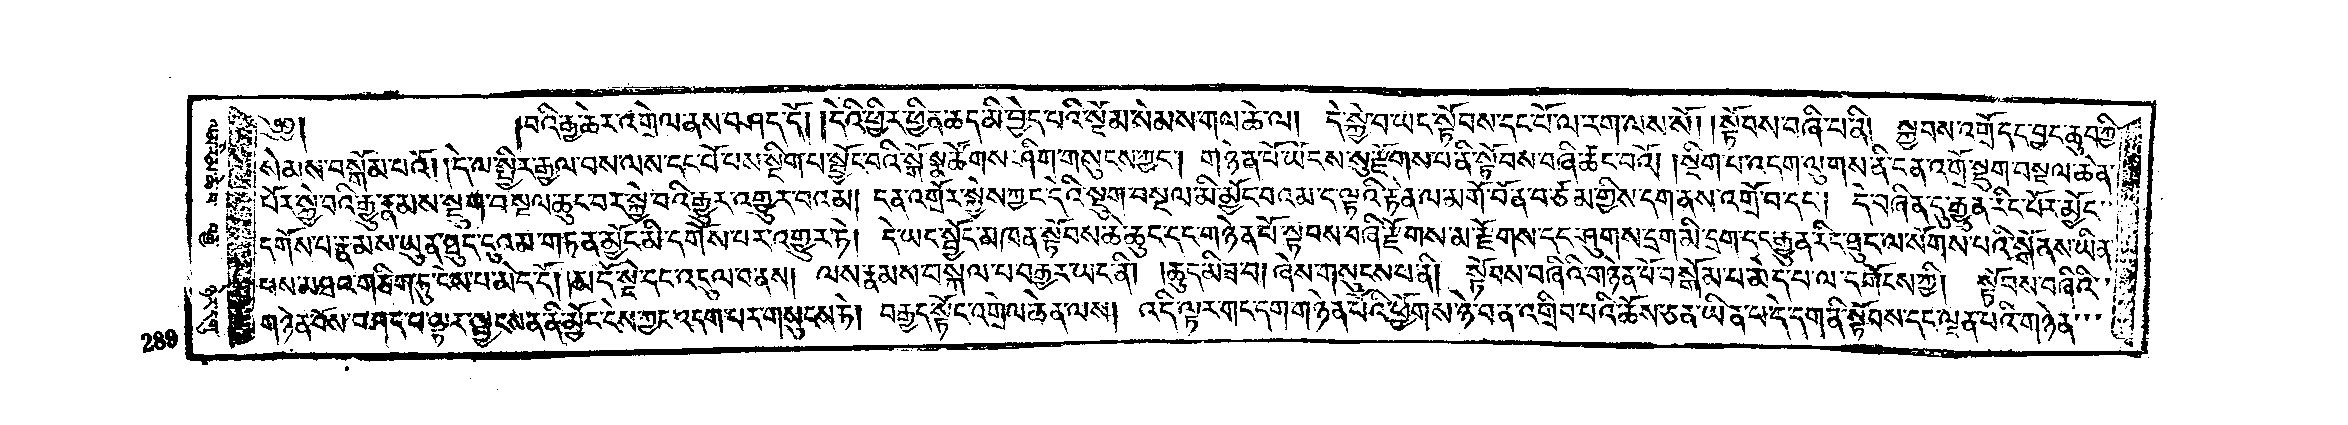༄༅། །བའི་རྒྱ་ཆེར་འགྲེལ་ནས་བཤད་དོ། །དེའི་ཕྱིར་ཕྱིན་ཆད་མི་བྱེད་པའི་སྡོམ་སེམས་གལ་ཆེ་ལ། དེ་སྐྱེ་བ་ཡང་སྟོབས་དང་པོ་ལ་རག་ལས་སོ། །སྟོབས་བཞི་པ་ནི། སྐྱབས་འགྲོ་དང་བྱང་ཆུབ་ཀྱི་
སེམས་བསྒོམ་པའོ། །དེ་ལ་སྤྱིར་རྒྱལ་བས་ལས་དང་པོ་པས་སྡིག་པ་སྦྱོང་བའི་སྒོ་སྣ་ཚོགས་ཤིག་གསུངས་ཀྱང་། གཉེན་པོ་ཡོངས་སུ་རྫོགས་པ་ནི་སྟོབས་བཞི་ཚང་བའོ། །སྡིག་པ་འདག་ལུགས་ནི་ངན་འགྲོ་སྡུག་བསྔལ་ཆེན་
པོར་སྐྱེ་བའི་རྒྱུ་རྣམས་སྡུག་བསྔལ་ཆུང་བར་སྐྱེ་བའི་རྒྱུར་འགྱུར་བའམ། ངན་འགྲོར་སྐྱེས་ཀྱང་དེའི་སྡུག་བསྔལ་མི་མྱོང་བའམ་ད་ལྟའི་རྟེན་ལ་མགོ་བོ་ན་བ་ཙམ་གྱིས་དག་ནས་འགྲོ་བ་དང་། དེ་བཞིན་དུ་རྒྱུན་རིང་པོར་མྱོང་
དགོས་པ་རྣམས་ཡུན་ཐུང་ངུའམ་གཏན་མྱོང་མི་དགོས་པར་འགྱུར་ཏེ། དེ་ཡང་སྦྱོང་མཁན་སྟོབས་ཆེ་ཆུང་དང་གཉེན་པོ་སྟོབས་བཞི་རྫོགས་མ་རྫོགས་དང་ཤུགས་དྲག་མི་དྲག་དང་རྒྱུན་རིང་ཐུང་ལ་སོགས་པའི་སྒོ་ནས་ཡིན་
པས་མཐའ་གཅིག་ཏུ་ངེས་པ་མེད་དོ། །མདོ་སྡེ་དང་འདུལ་བ་ནས། ལས་རྣམས་བསྐལ་པ་བརྒྱར་ཡང་ནི། །ཆུད་མི་ཟ་བ། ཞེས་གསུངས་པ་ནི། སྟོབས་བཞིའི་གཉེན་པོ་བསྒོམ་པ་མེད་པ་ལ་དགོངས་ཀྱི། སྟོབས་བཞིའི་
གཉེན་པོས་བཤད་པ་ལྟར་སྦྱངས་ན་ནི་མྱོང་ངེས་ཀྱང་འདག་པར་གསུངས་ཏེ། བརྒྱད་སྟོང་འགྲེལ་ཆེན་ལས། འདི་ལྟར་གང་དག་གཉེན་པོའི་ཕྱོགས་ཉེ་བ་ན་འགྲིབ་པའི་ཆོས་ཅན་ཡིན་པ་དེ་དག་ནི་སྟོབས་དང་ལྡན་པའི་གཉེན་